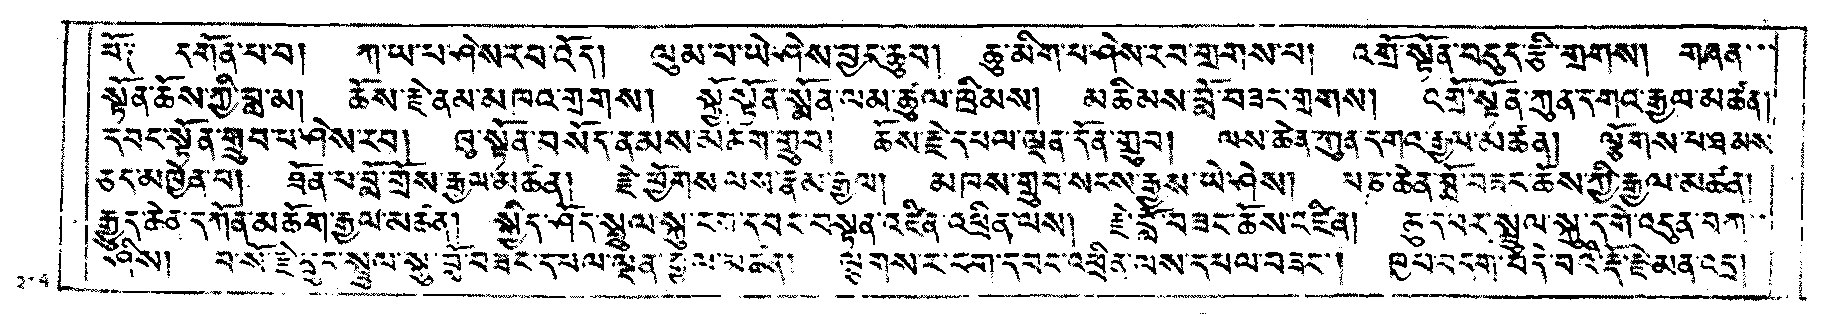པོ༑ དགོན་པ་བ། ཀ་ཡ་པ་ཤེས་རབ་འོད། ལུམ་པ་ཡེ་ཤེས་བྱང་ཆུབ། ཆུ་མིག་པ་ཤེས་རབ་གྲགས་པ། འགྲོ་སྟོན་བདུད་རྩི་གྲགས། གཞན་
སྟོན་ཆོས་ཀྱི་བླ་མ། ཆོས་རྗེ་ནམ་མཁའ་གྲགས། སྐྱོ་སྟོན་སྨོན་ལམ་ཚུལ་ཁྲིམས། མཆིམས་བློ་བཟང་གྲགས། འགྲོ་སྟོན་ཀུན་དགའ་རྒྱལ་མཚན།
དབང་སྟོན་གྲུབ་པ་ཤེས་རབ། ཁུ་སྟོན་བསོད་ནམས་མཆོག་གྲུབ། ཆོས་རྗེ་དཔལ་ལྡན་དོན་གྲུབ། ལས་ཆེན་ཀུན་དགའ་རྒྱལ་མཚན། ལྕོགས་པ་ཐམས་
ཅད་མཁྱེན་པ། ཐོན་པ་བློ་གྲོས་རྒྱལ་མཚན། རྗེ་ཕྱོགས་ལས་རྣམ་རྒྱལ། མཁས་གྲུབ་སངས་རྒྱས་ཡེ་ཤེས། པཎ་ཆེན་བློ་བཟང་ཆོས་ཀྱི་རྒྱལ་མཚན།
རྒྱུད་ཆེན་དཀོན་མཆོག་རྒྱལ་མཚན། སྐྱིད་ཤོད་སྤྲུལ་སྐུ་ངག་དབང་བསྟན་འཛིན་འཕྲིན་ལས། རྗེ་བློ་བཟང་ཆོས་འཛིན། ཆུ་དབར་སྤྲུལ་སྐུ་དགེ་འདུན་བཀྲ་
ཤིས། བ་སོ་རྗེ་དྲུང་སྤྲུལ་སྐུ་བློ་བཟང་དཔལ་ལྡན་རྒྱལ་མཚན། ལྕགས་ར་ངག་དབང་འཕྲིན་ལས་དཔལ་བཟང་། ཁྱབ་བདག་བདེ་བའི་རྡོ་རྗེ་མན་འདྲ།